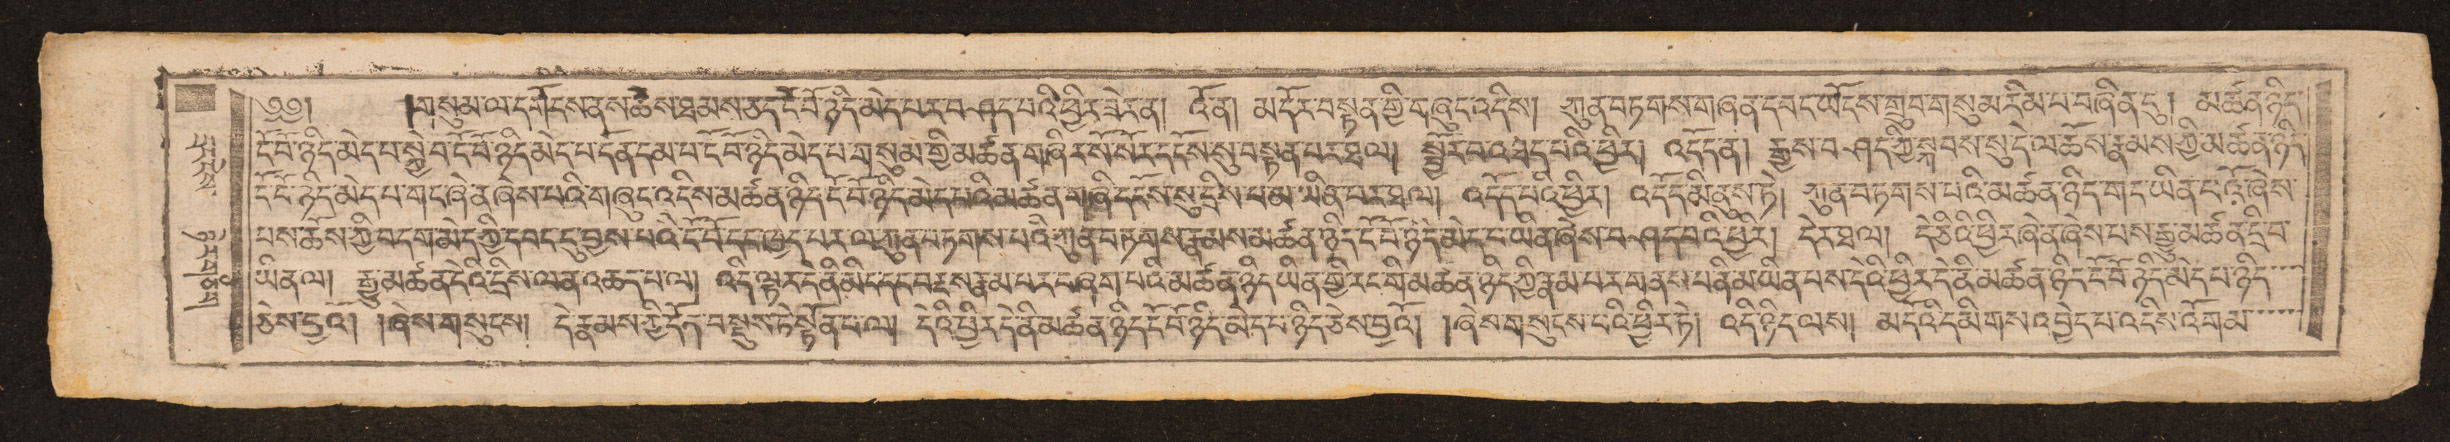༄༅། །གསུམ་ལ་དགོངས་ནས་ཆོས་ཐམས་ཅད་ངོ་བོ་ཉིད་མེད་པར་བཤད་པའི་ཕྱིར་ཟེར་ན། འོ་ན། མདོར་བསྟན་གྱི་གཞུང་འདིས། ཀུན་བཏགས་གཞན་དབང་ཡོངས་གྲུབ་གསུམ་རིམ་པ་བཞིན་དུ། མཚན་ཉིད་
ངོ་བོ་ཉིད་མེད་པ་སྐྱེ་བ་ངོ་བོ་ཉིད་མེད་པ་དོན་དམ་པ་ངོ་བོ་ཉིད་མེད་པ་གསུམ་གྱི་མཚན་གཞིར་སོ་སོར་དངོས་སུ་བསྟན་པར་ཐལ། སྦྱོར་བ་འཐད་པའི་ཕྱིར། འདོད་ན། རྒྱས་བཤད་ཀྱི་སྐབས་སུ་དེ་ལ་ཆོས་རྣམས་ཀྱི་མཚན་ཉིད་
ངོ་བོ་ཉིད་མེད་པ་གང་ཞེ་ན་ཞེས་པའི་གཞུང་འདིས་མཚན་ཉིད་ངོ་བོ་ཉིད་མེད་པའི་མཚན་གཞི་དངོས་སུ་དྲིས་པ་མ་ཡིན་པར་ཐལ། འདོད་པའི་ཕྱིར། འདོད་མི་ནུས་ཏེ། ཀུན་བཏགས་པའི་མཚན་ཉིད་གང་ཡིན་པའོ་ཞེས་
པས་ཆོས་ཀྱི་བདག་མེད་ཀྱི་དབང་དུ་བྱས་པའི་ངོ་བོ་དང་ཁྱད་པར་ལ་ཀུན་བཏགས་པའི་ཀུན་བཏགས་རྣམས་མཚན་ཉིད་ངོ་བོ་ཉིད་མེད་པ་ཡིན་ཞེས་བཤད་པའི་ཕྱིར། དེར་ཐལ། དེ་ཅིའི་ཕྱིར་ཞེ་ན་ཞེས་པས་རྒྱུ་མཚན་དྲི་བ་
ཡིན་ལ། རྒྱུ་མཚན་དེའི་དྲིས་ལན་འཆད་པ་ལ། འདི་ལྟར་དེ་ནི་མིང་དང་བརྡས་རྣམ་པར་བཞག་པའི་མཚན་ཉིད་ཡིན་གྱི་རང་གི་མཚན་ཉིད་ཀྱི་རྣམ་པར་གནས་པ་ནི་མ་ཡིན་པས་དེའི་ཕྱིར་དེ་ནི་མཚན་ཉིད་ངོ་བོ་ཉིད་མེད་པ་ཉིད་
ཅེས་བྱའོ། །ཞེས་གསུངས། དེ་རྣམས་ཀྱི་དོན་བསྡུས་ཏེ་སྟོན་པ་ལ། དེའི་ཕྱིར་དེ་ནི་མཚན་ཉིད་ངོ་བོ་ཉིད་མེད་པ་ཉིད་ཅེས་བྱའོ། །ཞེས་གསུངས་པའི་ཕྱིར་ཏེ། འདི་ཉིད་ལས། མདོའི་དམིགས་འབྱེད་པ་འདིས་འོག་མ་